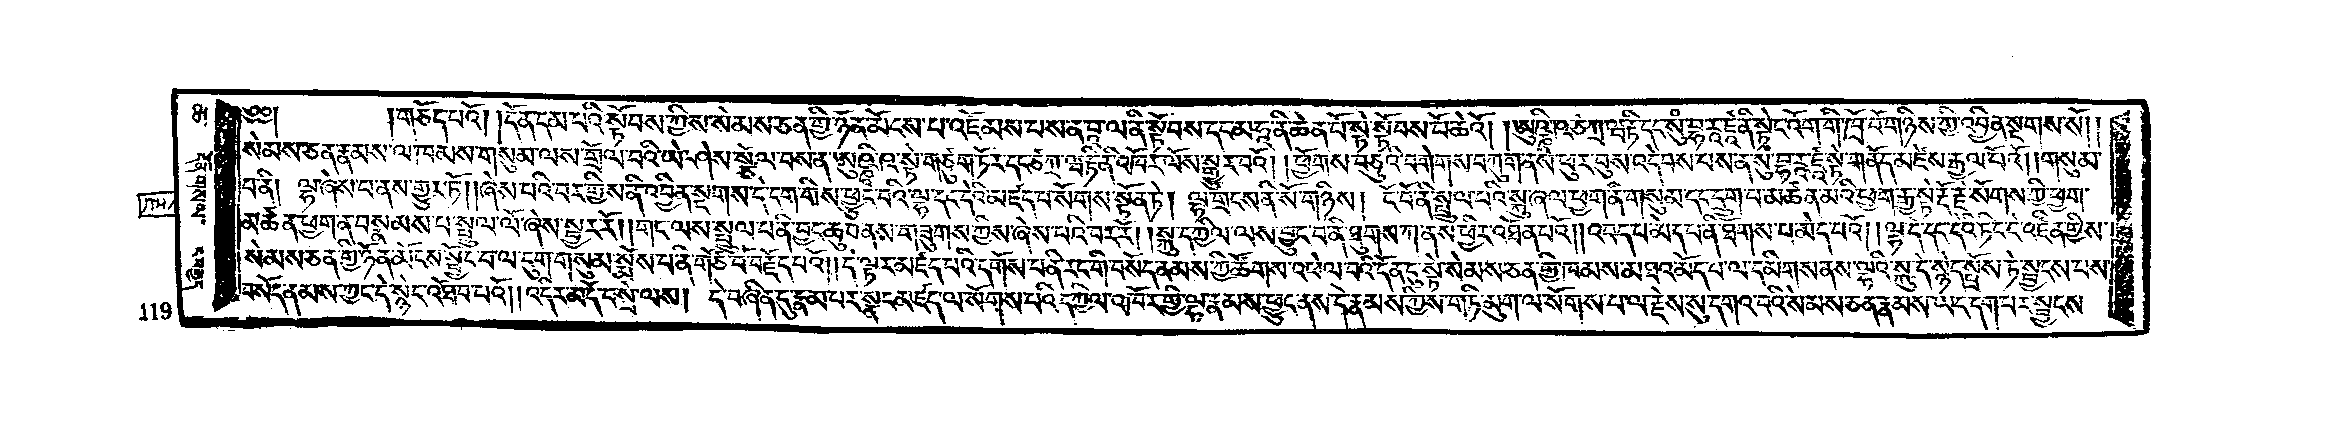༄༅། །གཅོད་པའོ། །དོན་དམ་པའི་སྟོབས་ཀྱིས་སེམས་ཅན་གྱི་ཉོན་མོངས་པ་འཇོམས་པས་ན་བཱ་ལ་ནི་སྟོབས་དང་མ་ཧཱ་ནི་ཆེན་པོ་སྟེ་སྟོབས་པོ་ཆེའོ། །ཨུཥྞཱི་ཥ་ཙ་ཀྲ་ཝརྟི་དང་སུཾ་བྷ་རཱ་ཛཱ་ནི་སྟེང་འོག་གི་ཁྲོ་བོ་གཉིས་ཀྱི་འབྱིན་སྔགས་སོ། །
སེམས་ཅན་རྣམས་ལ་ཁམས་གསུམ་ལས་གྲོལ་བའི་ཡེ་ཤེས་སྩོལ་བས་ན་ཨུཥྞཱི་ཥ་སྟེ་གཙུག་ཏོར་དང་ཙ་ཀྲ་ཝ་རྟི་ནི་འཁོར་ལོས་སྒྱུར་བའོ། །ཕྱོགས་བཅུའི་བགེགས་བཀུག་ནས་ཕུར་བུས་འདེབས་པས་ན་སུཾ་བྷ་རཱ་ཛཱ་སྟེ་གནོད་མཛེས་རྒྱལ་པོའོ། །གསུམ་
པ་ནི། ལྷ་ཞེས་པ་ནས་གྱུར་ཏོ། །ཞེས་པའི་བར་གྱིས་ནི་འབྱིན་སྔགས་དེ་དག་གིས་ཕྱུང་བའི་ལྷ་དང་དེའི་མཛད་པ་སོགས་སྟོན་ཏེ། ལྷ་གྲངས་ནི་སོ་གཉིས། ངོ་བོ་ནི་སྤྲུལ་པའི་སྐུ་ཞལ་ཕྱག་ནི་གསུམ་དང་དྲུག་པ་མཚན་མའི་ཕྱག་རྒྱ་སྟེ་རྡོ་རྗེ་སོགས་ཀྱི་ཕྱག་
མཚན་ཕྱག་ན་བསྣམས་པ་སྤྲུལ་ལོ་ཞེས་སྦྱར་རོ། །གང་ལས་སྤྲུལ་པ་ནི་བྱང་ཆུབ་ནས་གཟུགས་ཀྱིས་ཞེས་པའི་བར་རོ། །སྐུ་དཀྱིལ་ལས་བྱུང་བ་ནི་ཐུགས་ཀ་ནས་ཕྱིར་འཐོན་པའོ། །འབད་པ་མེད་པ་ནི་ཐོགས་པ་མེད་པའོ། །ལྷ་དེ་དང་དེའི་ཏིང་ངེ་འཛིན་གྱིས་
སེམས་ཅན་གྱི་ཉོན་མོངས་སྦྱོང་བ་ལ་དུག་གསུམ་སྨོས་པ་ནི་གཙོ་བོ་བརྗོད་པའོ། །དེ་ལྟར་མཛད་པའི་དགོས་པ་ནི་རང་གི་བསོད་ནམས་ཀྱི་ཚོགས་འཕེལ་བའི་དོན་དུ་སྟེ་སེམས་ཅན་གྱི་ཁམས་མཐའ་མེད་པ་ལ་དམིགས་ནས་ལྷའི་སྐུ་དེ་སྙེད་སྤྲོས་ཏེ་སྦྱངས་པས་
བསོད་ནམས་ཀྱང་དེ་སྙེད་འཐོབ་པའོ། །འདིར་མདོ་བསྲེ་ལས། དེ་བཞིན་དུ་རྣམ་པར་སྣང་མཛད་ལ་སོགས་པའི་དཀྱིལ་འཁོར་གྱི་ལྷ་རྣམས་ཕྱུང་ནས་དེ་རྣམས་ཀྱིས་གཏི་མུག་ལ་སོགས་པ་ལ་རྗེས་སུ་དགའ་བའི་སེམས་ཅན་རྣམས་ཡང་དག་པར་སྦྱངས་